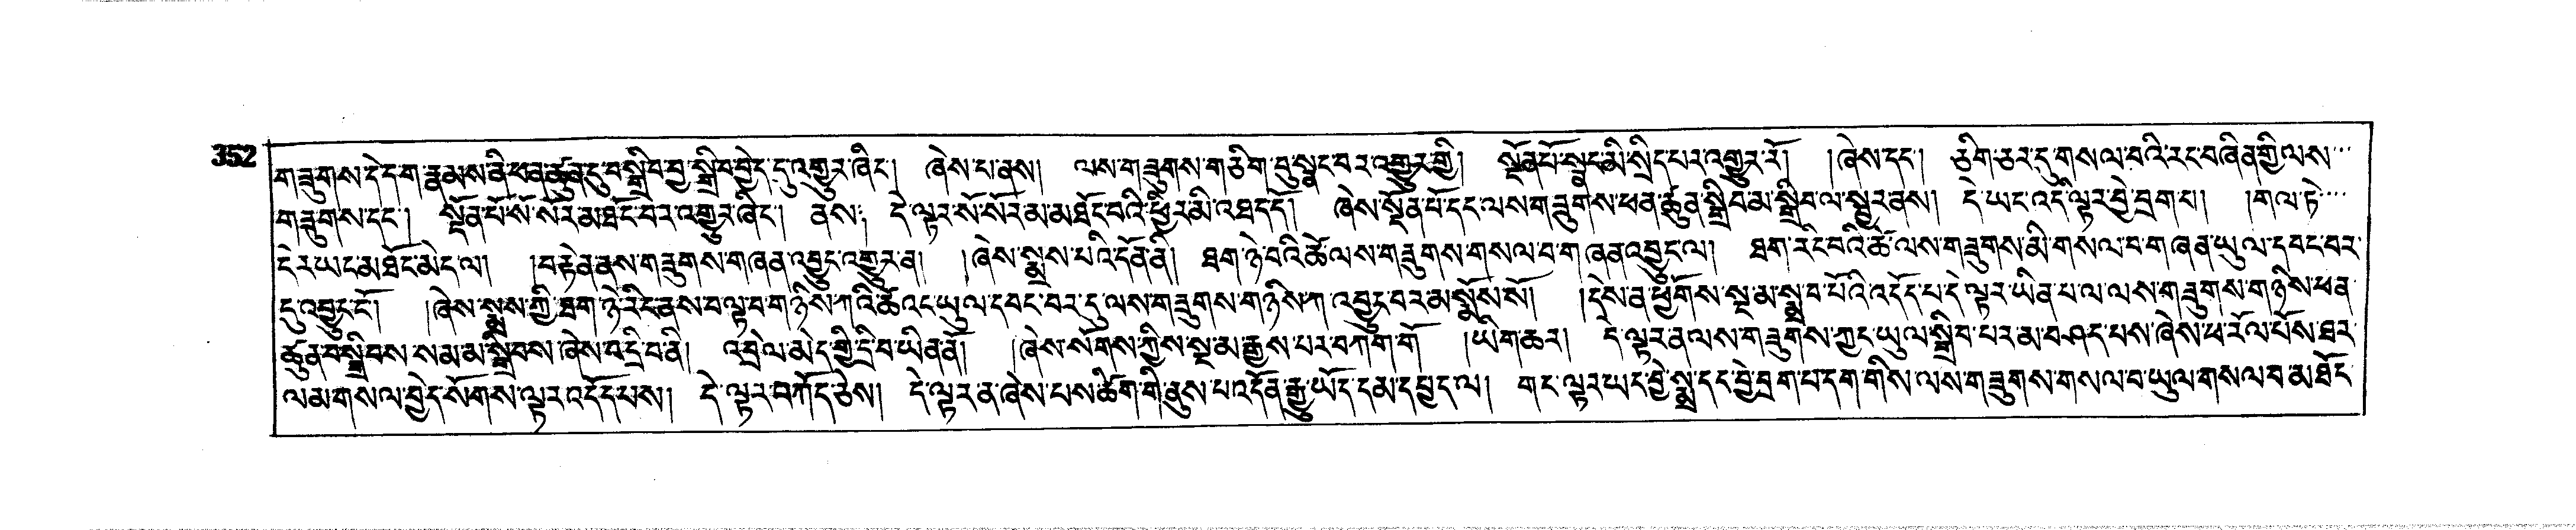གཟུགས་དེ་དག་རྣམས་ནི་ཕན་ཚུན་དུ་བསྒྲིབ་བྱེད་དུ་འགྱུར་ཞིང་། ཞེས་པ་ནས། ལས་གཟུགས་གཅིག་བུ་སྣང་བར་འགྱུར་གྱི། སྔོན་པོ་སྣང་མི་སྲིད་པར་འགྱུར་རོ། །ཞེས་དང་། ཅིག་ཅར་དུ་གསལ་བའི་རང་བཞིན་གྱི་ལས་
གཟུགས་དང་། སྡོན་པོ་སོ་སོར་མཐོང་བར་འགྱུར་ཞིང་། ནས། དེ་ལྟར་སོ་སོར་མ་མཐོང་བའི་ཕྱིར་མི་འཐད་དོ། ཞེས་སྔོན་པོ་དང་ལས་གཟུགས་ཕན་ཚུན་སྒྲིབ་མ་སྒྲིབ་ལ་སྦྱར་ནས། དེ་ཡང་འདི་ལྟར་བྱེ་བྲག་པ། །གལ་ཏེ་
དེར་ཡང་མཐོང་མེད་ལ། །བརྟེན་ནས་གཟུགས་གཞན་འབྱུང་འགྱུར་ན། །ཞེས་སྨྲས་པའི་དོན་ནི། ཐག་ཉེ་བའི་ཚེ་ལས་གཟུགས་གསལ་བ་གཞན་འབྱུང་ལ། ཐག་རིང་བའི་ཚེ་ལས་གཟུགས་མི་གསལ་བ་གཞན་ཡུལ་དབང་བར་
དུ་འབྱུང་ངོ། །ཞེས་སྨྲས་ཀྱི་ཐག་ཉེ་རིང་ནས་བལྟ་བ་གཉིས་ཀའི་ཚེའང་ཡུལ་དབང་བར་དུ་ལས་གཟུགས་གཉིས་ཀ་འབྱུང་བར་མ་སྨོས་སོ། །དེས་ན་ཕྱོགས་སྔ་མ་སྨྲ་བ་པོའི་འདོད་པ་དེ་ལྟར་ཡིན་པ་ལ་ལས་གཟུགས་གཉིས་ཕན་
ཚུན་བསྒྲིབས་སམ་མ་སྒྲིབས་ཞེས་འདྲི་བ་ནི། འབྲེལ་མེད་གྱི་དྲི་བ་ཡིན་ནོ། །ཞེས་སོགས་ཀྱིས་སྔ་མ་རྒྱས་པར་བཀག་གོ །ཡིག་ཆར། དེ་ལྟར་ན་ལས་གཟུགས་ཀྱང་ཡུལ་སྒྲིབ་པར་མ་བཤད་པས་ཞེས་ཕ་རོལ་པོས་ཐར་
ལམ་གསལ་བྱེད་སོགས་ལྟར་འདོད་པས། དེ་ལྟར་བཀོད་ཅེས། དེ་ལྟར་ན་ཞེས་པས་ཚིག་གི་ནུས་པ་འདོན་རྒྱུ་ཡོད་དམ་དཔྱད་ལ། གང་ལྟར་ཡང་བྱེ་སྨྲ་དང་བྱེ་བྲག་པ་དག་གིས་ལས་གཟུགས་གསལ་བ་ཡུལ་གསལ་བ་མཐོང་